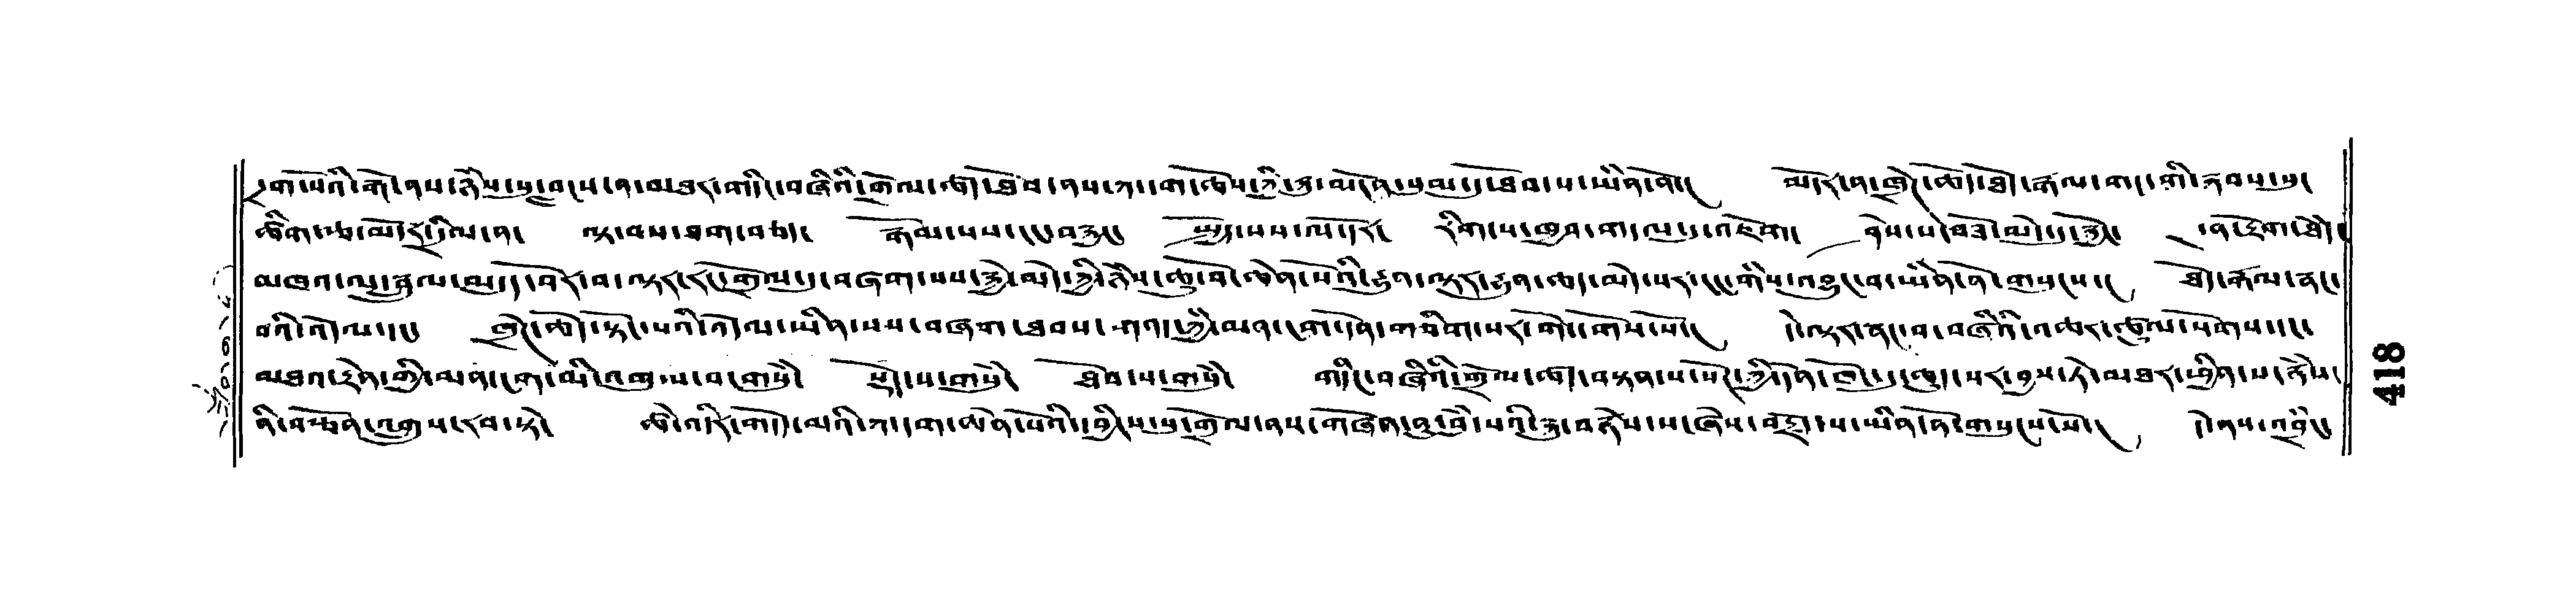དྲག་པོའི་སྒོ་ནས་ཉམས་སུ་བླངས་ན་མཐར་གདིང་བཞིའི་གྲོལ་ཚད་ཐོབ་ནས་ཀ་དག་ཆོས་ཀྱི་སྐུ་མངོན་སུམ་དུ་ཐོབ་པ་ཡིན་ནོ།མདོར་ན་ཁྲེགས་ཆོད་ཐོད་རྒལ་གང་གི་སྐབས་སུ་
ཚིག་རྩ་མདོར་དྲིལ་ན། ལྟ་བས་ཐག་བཅད། སྒོམ་པས་ངང་བསྐྱང་། སྤྱོད་པས་ལ་དོར། རིག་པ་ཁྱབ་གདལ་དུ་འཇོག ཤེས་པ་བཟོ་མེད་དུ་སྐྱོང་། དྲན་རྟོག་ཐམས་ཅད་
མཁའ་ལ་སྦྲུལ་མདུད་བོར་བ་ལྟར་རང་གྲོལ་དུ་བཞག་པས་སྐྱེ་མེད་ཀྱི་ཉམས་ཆུ་བོ་ཆེན་པོའི་རྒྱུན་ལྟར་རྒྱུན་ཆད་མེད་པར་ངང་གིས་འབྱུང་བ་ཡིན་ནོ་གསུངས། ཐོད་རྒལ་སྣང་
བའི་འོད་གསལ་དང་། ཁྲེགས་ཆོད་སྟོང་པའི་འོད་གསལ་ཡིན་པས་བཞག་ཐབས་གནད་ཀྱི་མན་ངག་དོན་གཅིག་པར་གོ་དགོས་སོ། དེ་ལྟར་སྣང་བ་བཞིའི་འཆར་ཚུལ་སོགས་དང་། 
མཐའ་རྟེན་གྱི་མན་ངག་མི་འགུལ་བ་གསུམ། སྡོད་པ་གསུམ། ཐོབ་པ་གསུམ། གདིང་བཞིའི་གྲོལ་ཚད་བསྟན་པ་སོགས་ཀྱི་དོན་ཁོང་དུ་ཆུད་པར་བྱས་ཏེ་མཐར་ཕྱིན་པ་རྣམས་
ནི་བརྩོན་འགྲུས་རབ་སྟེ། ཚེ་འདིར་གདོད་མའི་ཀ་དག་ཆེན་པོའི་དབྱིངས་སུ་གྲོལ་ནས་གཞོན་ནུ་བུམ་པའི་སྐུ་བརྙེས་པ་ཞེས་བརྗོད་པ་ཡིན་ནོ་གསུངས་སོ། དེ་ནས་འབྲིང་